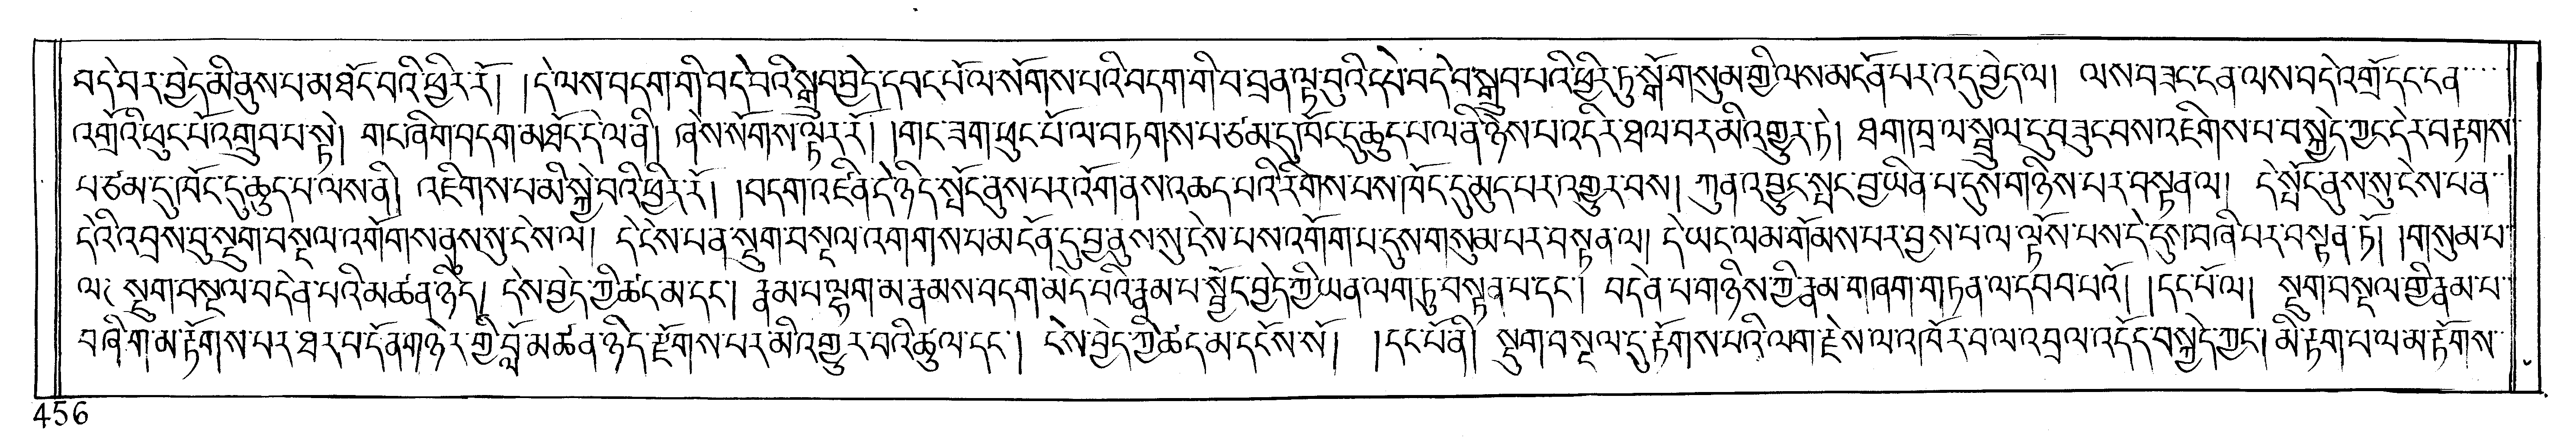བདེ་བར་བྱེད་མི་ནུས་པ་མཐོང་བའི་ཕྱིར་རོ། །དེ་ལས་བདག་གི་བདེ་བའི་སྒྲུབ་བྱེད་དབང་པོ་ལ་སོགས་པའི་བདག་གི་བ་བྲན་ལྟ་བུའི་དཔེ་བདེ་བ་སྒྲུབ་པའི་ཕྱིར་ཏུ་སྒོ་གསུམ་གྱི་ལས་མངོན་པར་འདུ་བྱེད་ལ། ལས་བཟང་ངན་ལས་བདེ་འགྲོ་དང་ངན་
འགྲོའི་ཕུང་པོ་འགྲུབ་པ་སྟེ། གང་ཞིག་བདག་མཐོང་དེ་ལ་ནི། ཞེས་སོགས་ལྟར་རོ། །གང་ཟག་ཕུང་པོ་ལ་བཏགས་པ་ཙམ་དུ་ཁོང་དུ་ཆུད་པ་ལ་ནི་ཉེས་པ་འདིར་ཐལ་བར་མི་འགྱུར་ཏེ། ཐག་ཁྲ་ལ་སྦྲུལ་དུ་བཟུང་བས་འཇིགས་པ་བསྐྱེད་ཀྱང་དེར་བརྟགས་
པ་ཙམ་དུ་ཁོང་དུ་ཆུད་པ་ལས་ནི། འཇིགས་པ་མི་སྐྱེ་བའི་ཕྱིར་རོ། །བདག་འཛིན་དེ་ཉིད་སྤོང་ནུས་པར་འོག་ནས་འཆད་པའི་རིགས་པས་ཁོང་དུ་ཆུད་པར་འགྱུར་བས། ཀུན་འབྱུང་སྤང་བྱ་ཡིན་པ་དུས་གཉིས་པར་བསྟན་ལ། དེ་སྤོང་ནུས་སུ་ངེས་པ་ན་
དེའི་འབྲས་བུ་སྡུག་བསྔལ་འགོགས་ནུས་སུ་ངེས་ལ། དེ་ངེས་པ་ན་སྡུག་བསྔལ་འགགས་པ་མངོན་དུ་བྱ་ནུས་སུ་ངེས་པས་འགོག་པ་དུས་གསུམ་པར་བསྟན་ལ། དེ་ཡང་ལམ་གོམས་པར་བྱས་པ་ལ་ལྟོས་པས་དེ་དུས་བཞི་པར་བསྟན་ཏོ། །གསུམ་པ་
ལ༑ སྡུག་བསྔལ་བདེན་པའི་མཚན་ཉིད། ངེས་བྱེད་ཀྱི་ཚད་མ་དང་། རྣམ་པ་ལྷག་མ་རྣམས་བདག་མེད་པའི་རྣམ་པ་སྦྱོང་བྱེད་ཀྱི་ཡན་ལག་ཏུ་བསྟན་པ་དང་། བདེན་པ་གཉིས་ཀྱི་རྣམ་གཞག་གཏན་ལ་དབབ་པའོ། །དང་པོ་ལ། སྡུག་བསྔལ་གྱི་རྣམ་པ་
བཞི་ག་མ་རྟོགས་པར་ཐར་པ་དོན་གཉེར་གྱི་བློ་མཚན་ཉིད་རྫོགས་པར་མི་འགྱུར་བའི་ཚུལ་དང་། ངེས་བྱེད་ཀྱི་ཚད་མ་དངོས་སོ། །དང་པོ་ནི། སྡུག་བསྔལ་དུ་རྟོགས་པའི་ལག་རྗེས་ལ་འཁོར་བ་ལ་འབྲལ་འདོད་བསྐྱེད་ཀྱང་། མི་རྟག་པ་ལ་མ་རྟོགས་